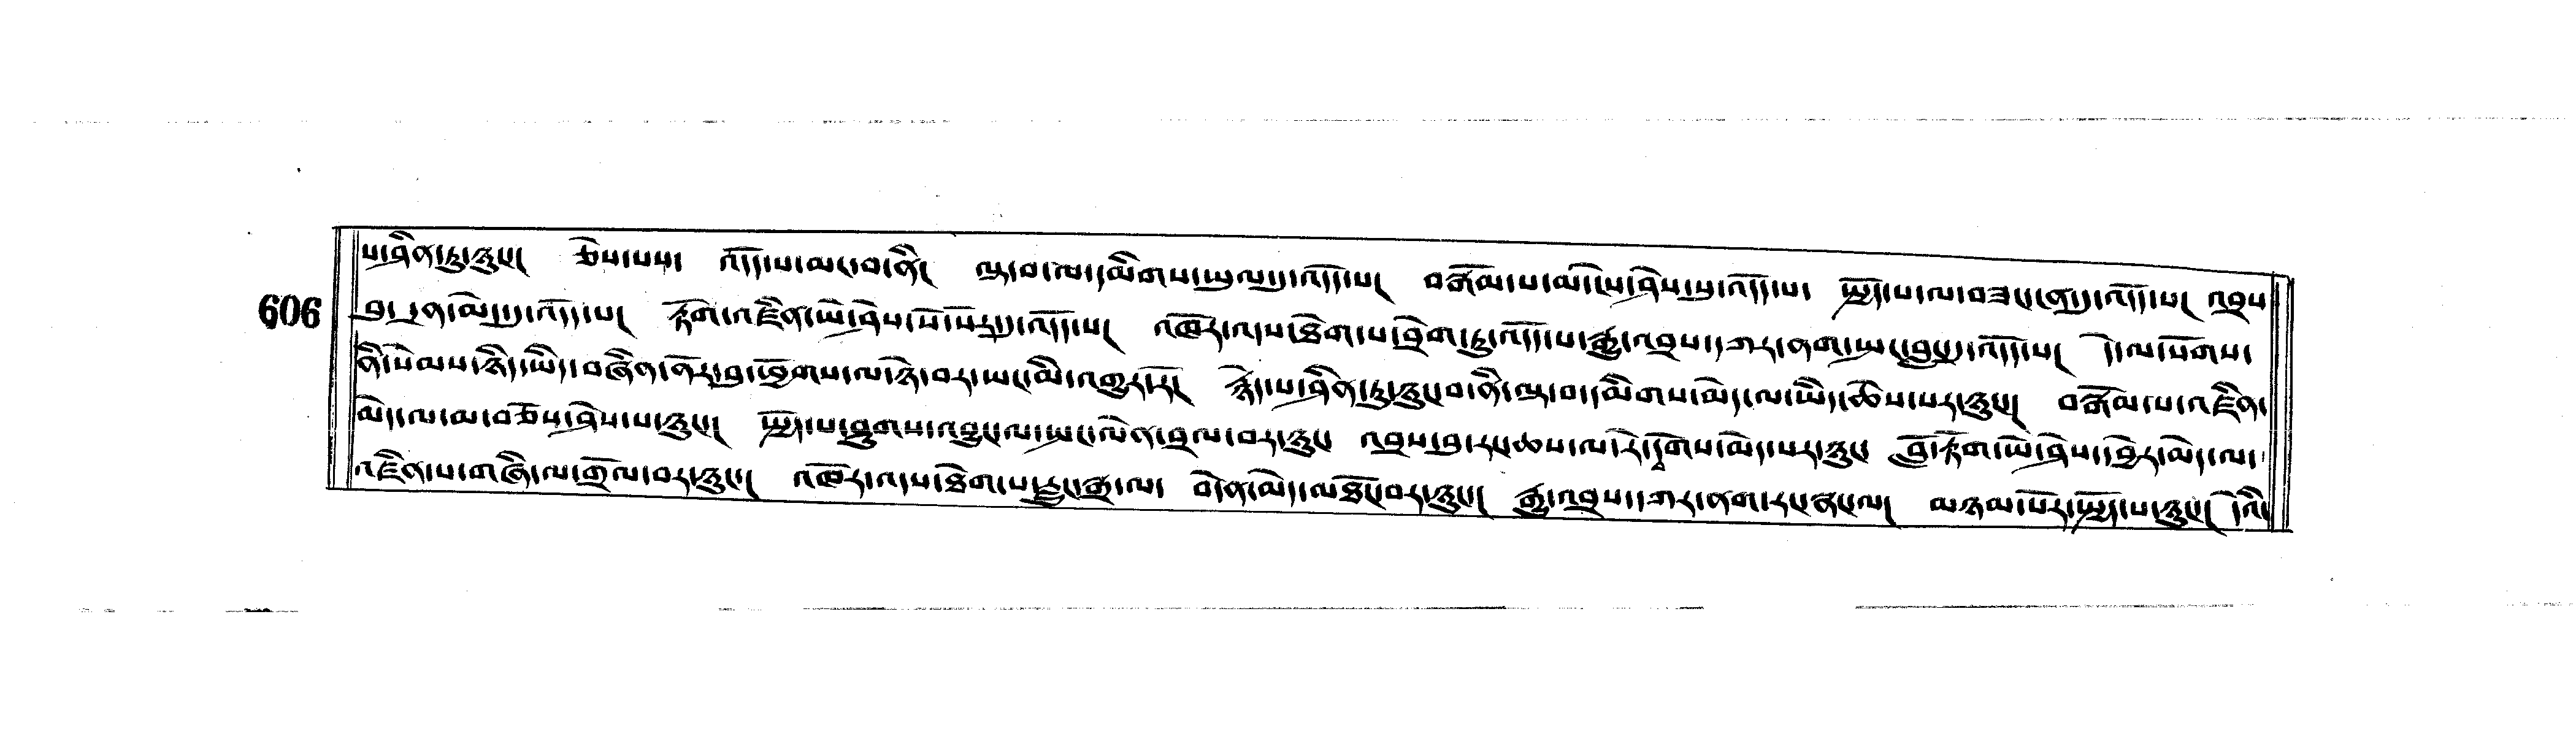པ་ཤིན་ཏུ་ཉུང་། ཅེས་པས། འདོད་པ་མང་བ་ནི། ལྟ་བ་ལ་དམིགས་ཡུལ་དུ་འདོད་པ། སྒོམ་པ་ལ་ངེས་ཤེས་སུ་འདོད་པ། སྤྱོད་པ་ལ་བཟང་ངན་དུ་འདོད་པ། འབྲས་
བུ་དྲན་མེད་དུ་འདོད་པ། རྟོག་འཛིན་ཡེ་ཤེས་སོ་སོར་དུ་འདོད་པ། འཁོར་འདས་ཐེག་པ་བྲེག་ཏུ་འདོད་པ་རྒྱུ་འབྲས་དཀར་ནག་སྤང་བླང་དུ་འདོད་པ། དེ་ལ་སོགས་
ནི་སེམས་ཉིད་ཡིད་བཞིན་ནོར་བུ་ཕྱོགས་ལ་ཉེ་བར་ཡང་མི་འགྱུར་རོ། རྙེད་པ་ཤིན་ཏུ་ཉུང་བ་ནི་ལྟ་བ་དམིགས་མེད་ལ་ཡིད་ཆེས་པ་ཉུང་། སྒོམ་པ་འཛིན་
མེད་ལ་མ་བཅོས་པ་ཤེས་པ་ཉུང་། སྤྱོད་པ་ཤུགས་འབྱུང་ལ་སྤང་ལེན་བྲལ་བར་ཉུང་། འབྲས་བུ་རང་ཆས་ལ་རེ་དྭོགས་མེད་པ་ཉུང་། བློ་རྟོག་ཡེ་ཤེས་དབྱེར་མེད་ལ་
འཛིན་པ་གཞི་ལ་གྲོལ་བར་ཉུང་། འཁོར་འདས་ཐེག་པ་རླུང་སྒྲ་ལ། བདེན་མེད་མཐོང་བར་ཉུང་། རྒྱུ་འབྲས་དཀར་ནག་རང་སྣང་ལ། མཉམ་པོར་སྤྱོད་པ་ཉུང་། དེའི་